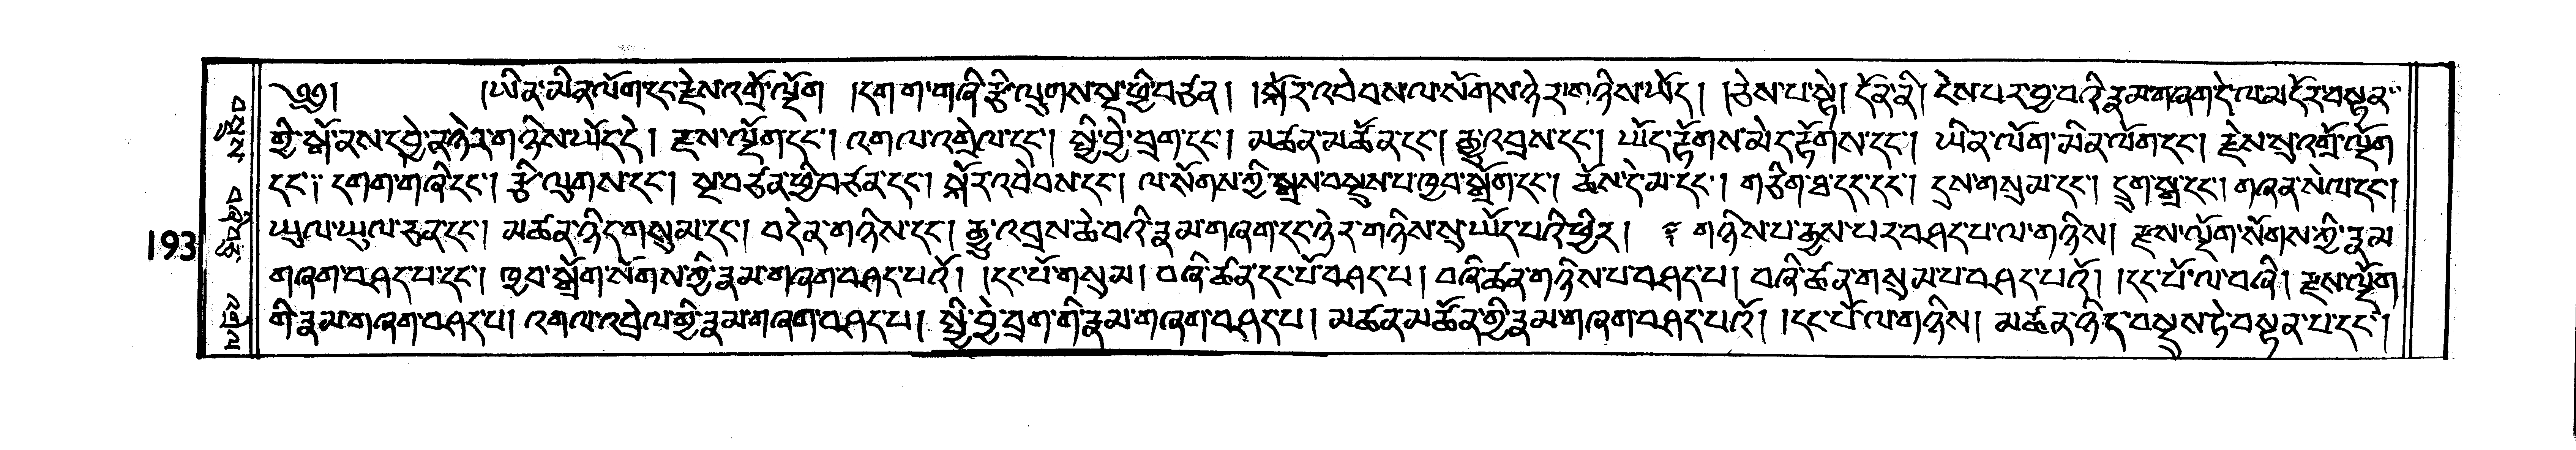༄༅། །ཡིན་མིན་ལོག་དང་རྗེས་འགྲོ་ལྡོག །དགག་གཞི་རྩི་ལུགས་སྔ་ཕྱི་བཙན། །སྐོར་འབེབས་ལ་སོགས་ཉེར་གཉིས་ཡོད། །ཅེས་པ་སྟེ། དོན་ནི། ངེས་པར་བྱ་བའི་རྣམ་གཞག་དེ་ལ་མདོར་བསྟན་
གྱི་སྒོ་ནས་དབྱེ་ན་ཉེར་གཉིས་ཡོད་དེ། རྫས་ལྡོག་དང་། འགལ་འགྲེལ་དང་། སྤྱི་བྱེ་བྲག་དང་། མཚན་མཚོན་དང་། རྒྱུ་འབྲས་དང་། ཡོད་རྟོགས་མེད་རྟོགས་དང་། ཡིན་ལོག་མིན་ལོག་དང་། རྗེས་སུ་འགྲོ་ལྡོག་
དང༑ དགག་གཞི་དང་། རྩི་ལུགས་དང་། སྔ་བཙན་ཕྱི་བཙན་དང་། སྐོར་འབེབས་དང་། ལ་སོགས་ཀྱི་སྒྲས་བསྡུས་པ་ཁྱབ་སྒྲོག་དང་། ཆོས་དེ་མ་དང་། གཅིག་ཐ་དད་དང་། དུས་གསུམ་དང་། དྲུག་སྒྲ་དང་། གཞན་སེལ་དང་།
ཡུལ་ཡུལ་ཅན་དང་། མཚན་ཉིད་གསུམ་དང་། བདེན་གཉིས་དང་། རྒྱུ་འབྲས་ཆེ་བའི་རྣམ་གཞག་དང་ཉེར་གཉིས་སུ་ཡོད་པའི་ཕྱིར། ༈ གཉིས་པ་རྒྱས་པར་བཤད་པ་ལ་གཉིས། རྫས་ལྡོག་སོགས་ཀྱི་རྣམ་
གཞག་བཤད་པ་དང་། ཁྱབ་སྒྲོག་སོགས་ཀྱི་རྣམ་གཞག་བཤད་པའོ། །དང་པོ་གསུམ། བཞི་ཚན་དང་པོ་བཤད་པ། བཞི་ཚན་གཉིས་པ་བཤད་པ། བཞི་ཚན་གསུམ་པ་བཤད་པའོ། །དང་པོ་ལ་བཞི། རྫས་ལྡོག་
གི་རྣམ་གཞག་བཤད་པ། འགལ་འབྲེལ་གྱི་རྣམ་གཞག་བཤད་པ། སྤྱི་བྱེ་བྲག་གི་རྣམ་གཞག་བཤད་པ། མཚན་མཚོན་གྱི་རྣམ་གཞག་བཤད་པའོ། །དང་པོ་ལ་གཉིས། མཚན་ཉིད་བསྡུས་ཏེ་བསྟན་པ་དང་།